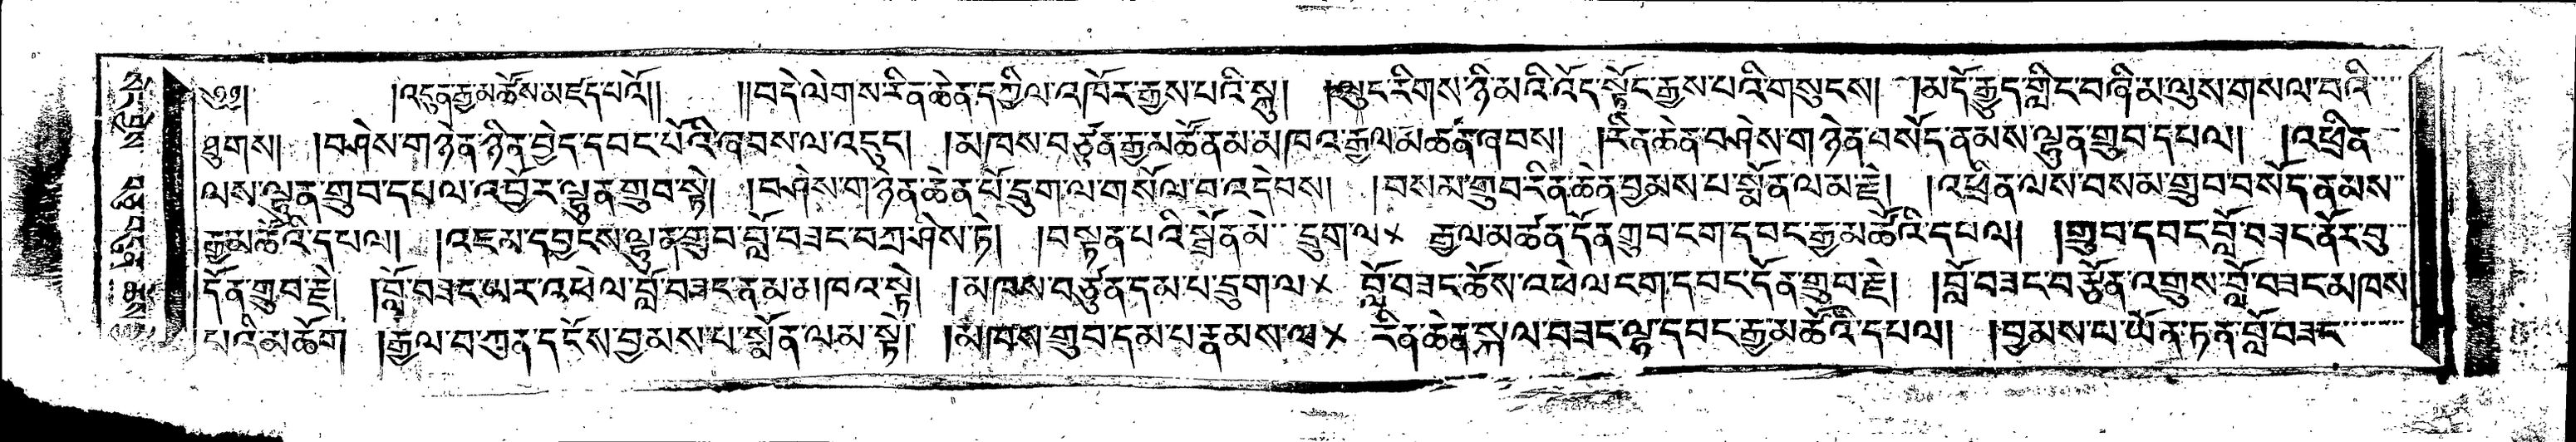༄༅། །འདུན་རྒྱ་མཚོས་མཛད་པའོ།། །།བདེ་ལེགས་རིན་ཆེན་དཀྱིལ་འཁོར་རྒྱས་པའི་སྐུ། །ལུང་རིགས་ཉི་མའི་འོད་སྟོང་རྒྱས་པའི་གསུངས། །མདོ་རྒྱུད་གླིང་བཞི་མ་ལུས་གསལ་བའི་
ཐུགས། །བཤེས་གཉེན་ཉིན་བྱེད་དབང་པོའི་ཞབས་ལ་འདུད། །མཁས་བཙུན་རྒྱ་མཚོ་ནམ་མཁའ་རྒྱལ་མཚན་ཞབས། །རིན་ཆེན་བཤེས་གཉེན་བསོད་ནམས་ལྷུན་གྲུབ་དཔལ། །འཕྲིན་
ལས་ལྷུན་གྲུབ་དཔལ་འབྱོར་ལྷུན་གྲུབ་སྟེ། །བཤེས་གཉེན་ཆེན་པོ་དྲུག་ལ་གསོལ་བ་འདེབས། །བསམ་གྲུབ་རིན་ཆེན་བྱམས་པ་སྨོན་ལམ་རྗེ། །འཕྲིན་ལས་བསམ་གྲུབ་བསོད་ནམས་
རྒྱ་མཚོའི་དཔལ། །འཇམ་དབྱངས་ལྷུན་གྲུབ་བློ་བཟང་བཀྲ་ཤིས་ཏེ། །བསྟན་པའི་སྒྲོན་མེ་དྲུག་ལ་{྾}་རྒྱལ་མཚན་དོན་གྲུབ་ངག་དབང་རྒྱ་མཚོའི་དཔལ། །གྲུབ་དབང་བློ་བཟང་ནོར་བུ་
དོན་གྲུབ་རྗེ། །བློ་བཟང་ཡར་འཕེལ་བློ་བཟང་ནམ་མཁའ་སྟེ། །མཁས་བཙུན་དམ་པ་དྲུག་ལ་{྾}་བློ་བཟང་ཆོས་འཕེལ་ངག་དབང་དོན་གྲུབ་རྗེ། །བློ་བཟང་བརྩོན་འགྲུས་བློ་བཟང་མཁས་
པའི་མཆོག །རྒྱལ་བ་ཀུན་དངོས་བྱམས་པ་སྨོན་ལམ་སྟེ། །མཁས་གྲུབ་དམ་པ་རྣམས་ལ་{྾}་རིན་ཆེན་སྐལ་བཟང་ལྷ་དབང་རྒྱ་མཚོའི་དཔལ། །བྱམས་པ་ཡོན་ཏན་བློ་བཟང་